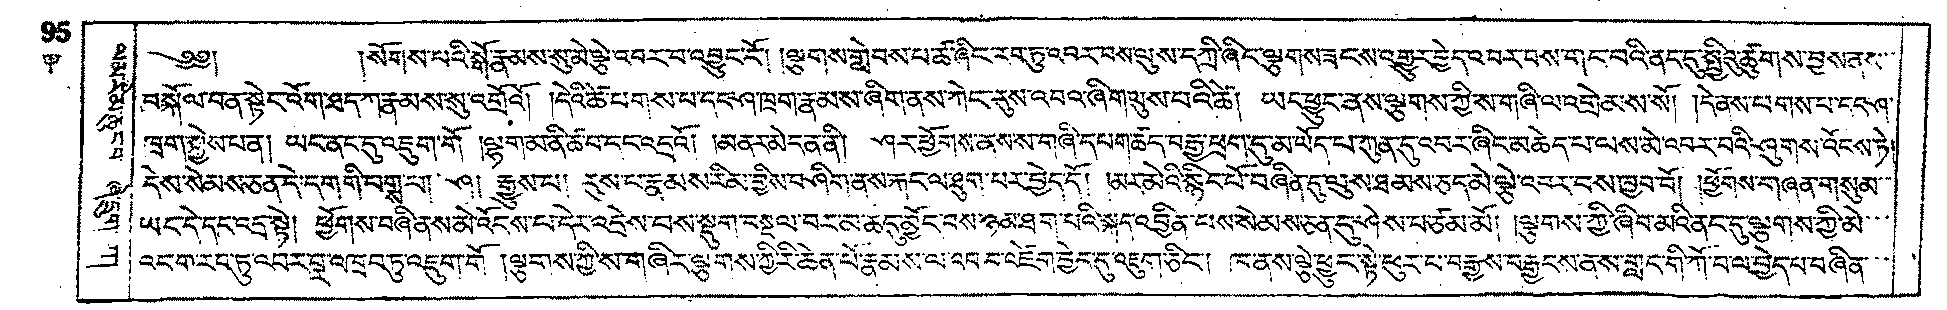༄༅། །སོགས་པའི་སྒོ་རྣམས་སུ་མེ་ལྕེ་འབར་བ་འབྱུང་ངོ། །ལྕགས་གླེབས་པ་ཚ་ཞིང་རབ་ཏུ་འབར་པས་ལུས་དཀྲི་ཞིང་ལྕགས་ཟངས་འགྱུར་བྱེད་འབར་བས་གང་བའི་ནང་དུ་སྤྱིའུ་ཚུགས་བྱས་ནས་
བསྐོལ་བ་ན་སྟེང་འོག་ཐད་ཀ་རྣམས་སུ་འགྲོའོ། །དེའི་ཚེ་པགས་པ་དང་ཤ་ཁྲག་རྣམས་ཞིག་ནས་ཀེང་རུས་འབའ་ཞིག་ལུས་པའི་ཚེ། ཡང་ཕྱུང་ནས་ལྕགས་ཀྱི་ས་གཞི་ལ་འགྲེམས་སོ། །དེ་ནས་པགས་པ་དང་ཤ་
ཁྲག་སྐྱེས་པ་ན། ཡང་ནང་དུ་འཇུག་གོ །ལྷག་མ་ནི་ཚ་བ་དང་འདྲའོ། །མནར་མེད་ན་ནི། ཤར་ཕྱོགས་ནས་ས་གཞི་དཔག་ཚད་བརྒྱ་ཕྲག་དུ་མ་ཡོད་པ་ཀུན་དུ་འབར་ཞིང་མཆེད་པ་ལས་མེ་འབར་བའི་ཤུགས་འོངས་ཏེ།
དེས་སེམས་ཅན་དེ་དག་གི་སྤགས་པ། ཤ། རྒྱུས་པ། རུས་པ་རྣམས་རིམ་གྱིས་བཤིག་ནས་རྐང་ལ་ཐུག་པར་བྱེད་དོ། །མར་མེའི་སྙིང་པོ་བཞིན་དུ་ལུས་ཐམས་ཅད་མེ་ལྕེ་འབར་བས་ཁྱབ་བོ། །ཕྱོགས་གཞན་གསུམ་
ཡང་དེ་དང་འདྲ་སྟེ། ཕྱོགས་བཞི་ནས་མེ་འོངས་པ་དེར་འདྲེས་པས་སྡུག་བསྔལ་བར་མ་ཆུད་མྱོང་བས་ཉམ་ཐག་པའི་སྐད་འབྱིན་པས་སེམས་ཅན་དུ་ཤེས་པ་ཙམ་མོ། །ལྕགས་ཀྱི་ཞིབ་མའི་ནང་དུ་ལྕགས་ཀྱི་མེ་
འདག་རབ་ཏུ་འབར་བར་འཁྲབ་ཏུ་འཇུག་གོ། །ལྕགས་ཀྱི་ས་གཞིར་ལྕགས་ཀྱི་རི་ཆེན་པོ་རྣམས་ལ་འབབ་འཛེག་བྱེད་དུ་འཇུག་ཅིང་། ཁ་ནས་ལྕེ་ཕྱུང་སྟེ་ཕུར་པ་བརྒྱས་བརྒྱངས་ནས་གླང་གི་ཀོ་བ་ལ་བྱེད་པ་བཞིན་